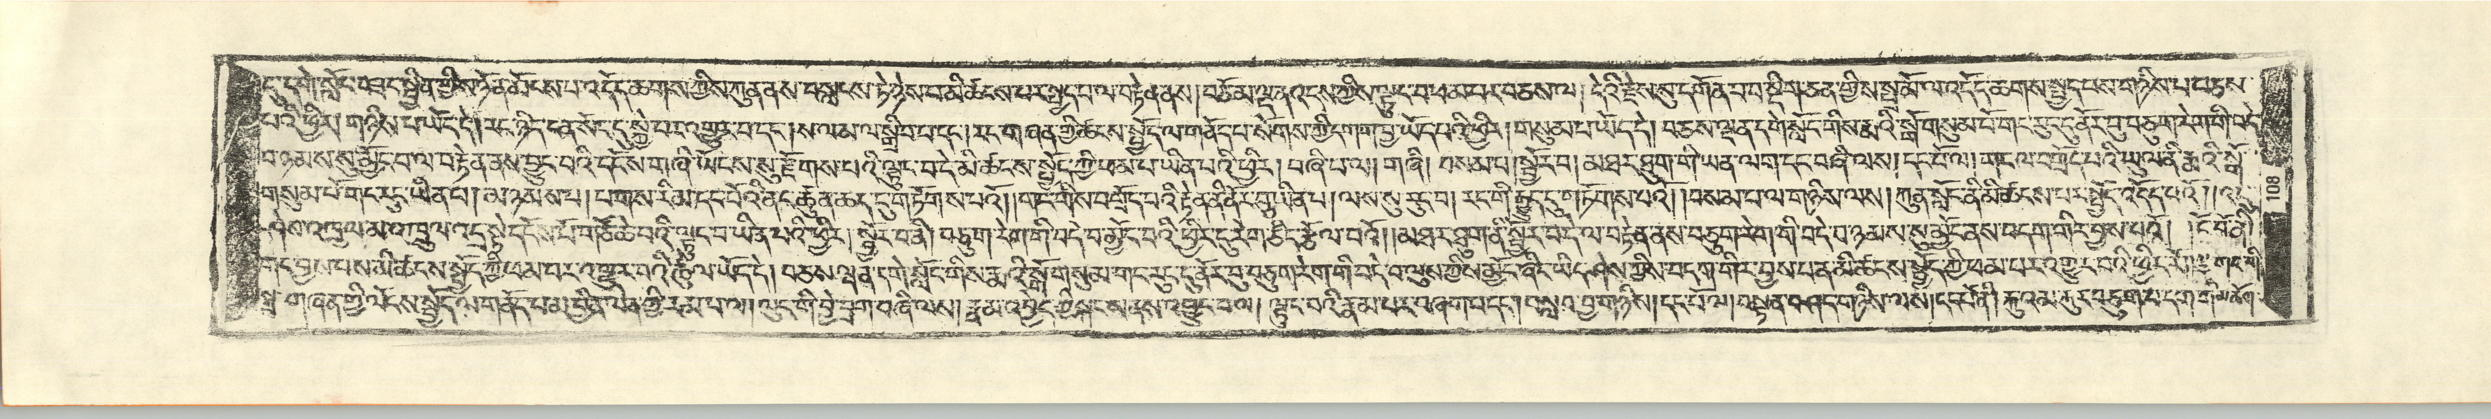དུ་དགེ་སློང་བཟང་སྦྱིན་གྱིས་ཉོན་མོངས་པ་འདོད་ཆགས་ཀྱིས་ཀུན་ནས་བསླངས་ཏེ་ཉེས་པ་མི་ཚངས་པར་སྤྱད་པ་ལ་བརྟེན་ནས། བཅོམ་ལྡན་འདས་ཀྱིས་ལྟུང་བ་ཕམ་པར་བཅས་ལ། དེའི་རྗེས་སུ་དགོན་པ་བ་སྡིག་ཅན་གྱིས་སྤྲ་མོ་ལ་འདོད་ཆགས་སྤྱད་པས་གཉིས་པ་བཅས་
པའི་ཕྱིར། གཉིས་པ་ཡོད་དེ། རང་ཉིད་ངན་སོང་དུ་སྐྱེ་བར་འགྱུར་བ་དང་། ས་ལམ་ལ་སྒྲིབ་པ་དང་། རང་གཞན་གྱི་ཚངས་སྤྱོད་ལ་གནོད་པ་སོགས་ཀྱི་དགག་བྱ་ཡོད་པའི་ཕྱིར། གསུམ་པ་ཡོད་དེ། བཅས་ལྡན་དགེ་སློང་གིས་རྨའི་སྒོ་གསུམ་པོ་གང་རུང་དུ་ནོར་བུ་བཅུག་རེག་གི་བདེ་
བ་ཉམས་སུ་མྱོང་བ་ལ་བརྟེན་ནས་བྱུང་བའི་དངོས་གཞི་ཡོངས་སུ་རྫོགས་པའི་ལྟུང་བ་དེ་མི་ཚངས་སྤྱོད་ཀྱི་ཕམ་པ་ཡིན་པའི་ཕྱིར། བཞི་པ་ལ། གཞི། བསམ་པ། སྦྱོར་བ། མཐར་ཐུག་གི་ཡན་ལག་དང་བཞི་ལས། དང་པོ་ལ། གང་ལ་བགྲོད་པའི་ཡུལ་ནི་རྨའི་སྒོ་
གསུམ་པོ་གང་རུང་ཡིན་པ། མཉམས་པ། པ་གས་རིམ་དང་པོའི་ནང་ཚུན་ཆད་དུ་གཏོགས་པའོ། །གང་གིས་བགྲོད་པའི་རྟེན་ནི་ནོར་བུ་ཡིན་པ། ལས་སུ་རུང་བ། རང་གི་རྒྱུད་དུ་གཏོགས་པའོ། །བསམ་པ་ལ་གཉིས་ལས། ཀུན་སློང་ནི་མི་ཚངས་པར་སྤྱོད་འདོད་པའོ། །འདུ་
ཤེས་འཁྲུལ་མ་འཁྲུལ་འདྲ་སྟེ་དངོས་པོ་གཙོ་ཆེ་བའི་ལྟུང་བ་ཡིན་པའི་ཕྱིར། སྦྱོར་བ་ནི། བཅུག་རེག་གི་བདེ་བ་མྱོང་བའི་ཕྱིར་དུ་རེག་ཅིང་རྩོལ་བའོ། །མཐར་ཐུག་ནི་སྦྱོར་བ་དེ་ལ་བརྟེན་ནས་བཅུག་རེག་གི་བདེ་བ་ཉམས་སུ་མྱོང་ནས་བདག་གིས་བྱས་པའོ། །ངོ་བོ་ནི་
གང་བྱས་པས་མི་ཚངས་སྤྱོད་ཀྱི་ཕམ་པར་འགྱུར་བའི་ཚུལ་ཡོད་ད།ཨེ་བཅས་ལྡན་དགེ་སློང་གིས་རྨའི་སྒོ་གསུམ་གང་རུང་དུ་ནོར་བུ་བཅུག་རེག་གི་བདེ་བ་ལུས་ཀྱིས་མྱོང་ཞིང་ཡིད་ཤེས་ཀྱི་བདག་གིར་བྱས་པ་ན་མིང་ཚངས་སྤྱོད་ཀྱི་ཕམ་པར་འགྱུར་བའི་ཕྱིར་རོ། །༈གང་གི་
སྒྲ་གཞན་གྱི་ལོངས་སྤྱོད་ལ་གནོད་པ་མ་བྱིན་ལེན་གྱི་རམ་པ་ལ། ལུང་གི་བྱེ་བྲག་བཞི་ལས། རྣམ་འབྱེད་ཀྱི་སྐངས་ནས་འབྱུང་བ་ལ། ལྟུང་བའི་རྣམ་པར་བཞག་པ་དང་། བསླབ་བྱ་གཉིས། དང་པོ་ལ། བསྟན་བཤད་གཉིས་ལས། དང་པོ་ནི། རྐུ་འམ་རྐུར་བཅུག་པ་དག་གི་མཆོག་